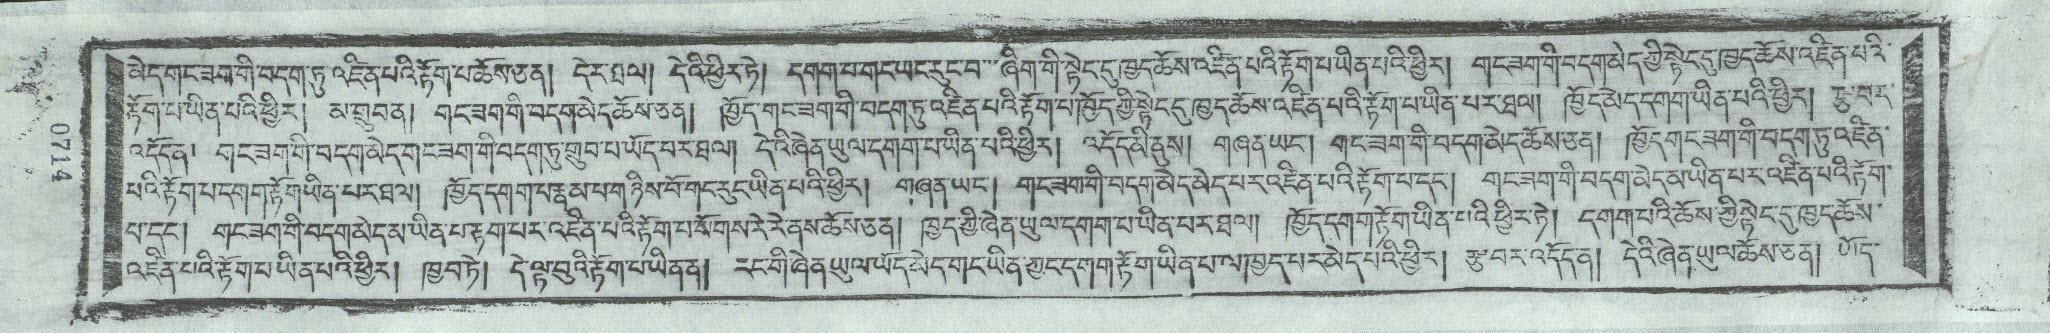མེད་གང་ཟག་གི་བདག་ཏུ་འཛིན་པའི་རྟོག་པ་ཆོས་ཅན། དེར་ཐལ། དེའི་ཕྱིར་ཏེ། དགག་པ་གང་ཡང་རུང་བ་ཞིག་གི་སྟེང་དུ་ཁྱད་ཆོས་འཛིན་པའི་རྟོག་པ་ཡིན་པའི་ཕྱིར། གང་ཟག་གི་བདག་མེད་ཀྱི་སྟེང་དུ་ཁྱད་ཆོས་འཛིན་པའི་
རྟོག་པ་ཡིན་བའི་ཕྱིར། མ་གྲུབ་ན། གང་ཟག་གི་བདག་མེད་ཆོས་ཅན། ཁྱོད་གང་ཟག་གི་བདག་ཏུ་འཛིན་པའི་རྟོག་པ་ཁྱོད་ཀྱི་སྟེང་དུ་ཁྱད་ཆོས་འཛིན་པའི་རྟོག་པ་ཡིན་པར་ཐལ། ཁྱོད་མེད་དགག་ཡིན་པའི་ཕྱིར། རྩ་བར་
འདོད་ན། གང་ཟག་གི་བདག་མེད་གང་ཟག་གི་བདག་ཏུ་གྲུབ་པ་ཡོད་པར་ཐལ། དེའི་ཞེན་ཡུལ་དགག་པ་ཡིན་པའི་ཕྱིར། འདོད་མི་ནུས། གཞན་ཡང་། གང་ཟག་གི་བདག་མེད་ཆོས་ཅན། ཁྱོད་གང་ཟག་གི་བདག་ཏུ་འཛིན་
པའི་རྟོག་པ་དགག་རྟོག་ཡིན་པར་ཐལ། ཁྱོད་དགག་པ་རྣམ་པ་གཉིས་པོ་གང་རུང་ཡིན་པའི་ཕྱིར། གཞན་ཡང་། གང་ཟག་གི་བདག་མེད་མེད་པར་འཛིན་པའི་རྟོག་པ་དང་། གང་ཟག་གི་བདག་མེད་མ་ཡིན་པར་འཛིན་པའི་རྟོག་
པ་དང་། གང་ཟག་གི་བདག་མེད་མ་ཡིན་པ་རྟག་པར་འཛིན་པའི་རྟོག་པ་སོགས་རེ་རེ་ནས་ཆོས་ཅན། ཁྱད་ཀྱི་ཞེན་ཡུལ་དགག་པ་ཡིན་པར་ཐལ། ཁྱོད་དགག་རྟོག་ཡིན་པའི་ཕྱིར་ཏེ། དགག་པའི་ཆོས་ཀྱི་སྟེང་དུ་ཁྱད་ཆོས་
འཛིན་པའི་རྟོག་པ་ཡིན་པའི་ཕྱིར། ཁྱབ་ཏེ། དེ་ལྟ་བུའི་རྟོག་པ་ཡིན་ན། རང་གི་ཞེན་ཡུལ་ཡོད་མེད་གང་ཡིན་ཀྱང་དགག་རྟོག་ཡིན་པ་ལ་ཁྱད་པར་མེད་པའི་ཕྱིར། རྩ་བར་འདོད་ན། དེའི་ཞེན་ཡུལ་ཆོས་ཅན། ཡོད་